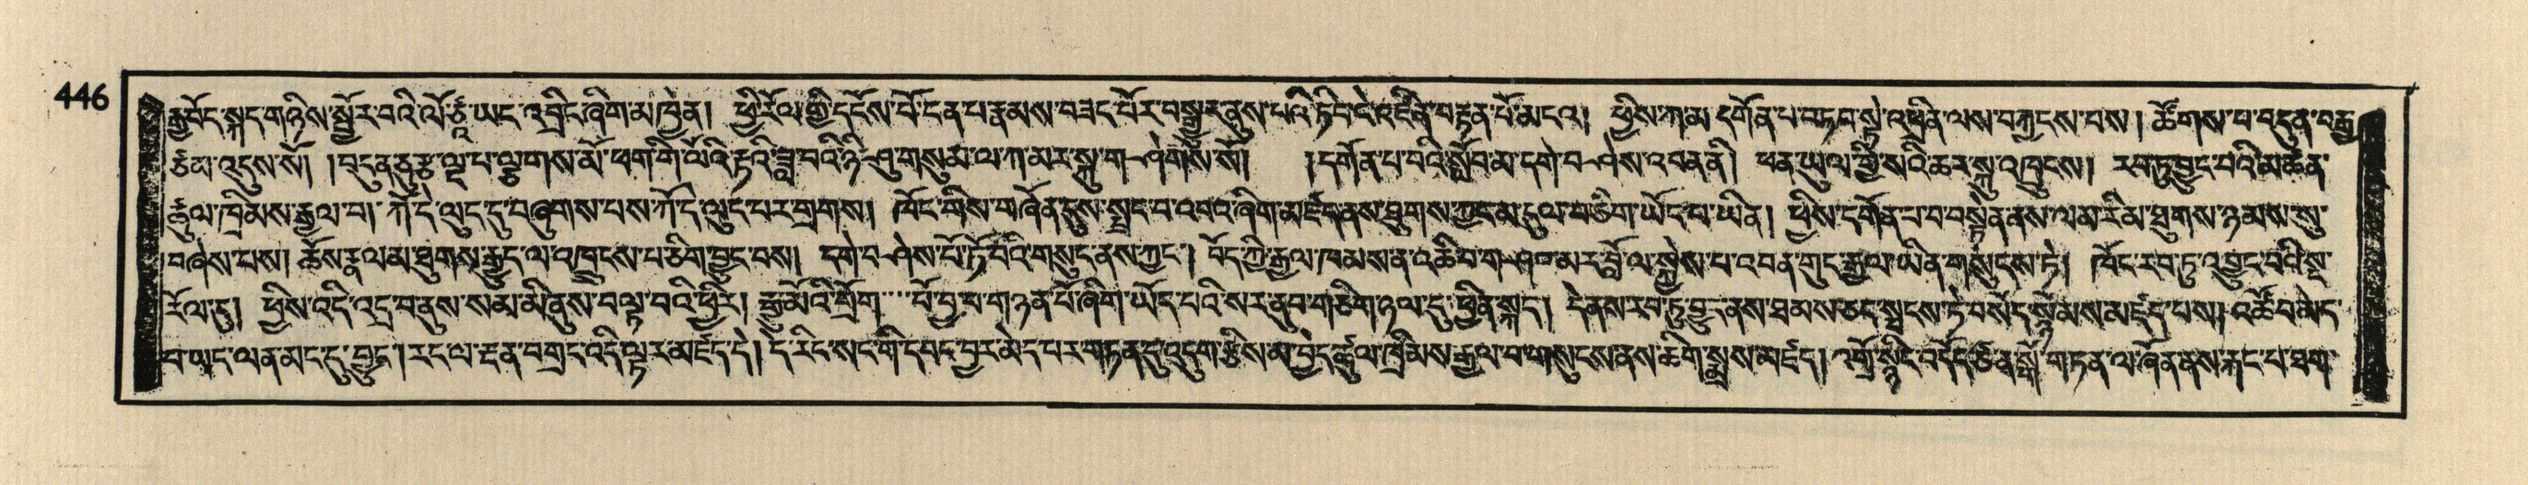རྒྱ་བོད་སྐད་གཉིས་སྦྱོར་བའི་ལོ་ཙཱ་ཡང་འབྲིང་ཞིག་མཁྱེན། ཕྱི་རོལ་གྱི་དངོས་པོ་ངན་པ་རྣམས་བཟང་པོར་བསྒྱུར་ནུས་པའི་ཏིང་ངེ་འཛིན་བརྟན་པོ་མངའ། ཕྱིས་ཀ་མ་དགོན་པ་བཏབ་སྟེ་འཕྲིན་ལས་བརྐྱངས་པས། ཚོགས་པ་བདུན་བརྒྱ་
ཙམ་འདུས་སོ། །བདུན་ཅུ་རྩ་ལྔ་པ་ལྕགས་མོ་ཕག་གི་ལོའི་རྟའི་ཟླ་བའི་ཉི་ཤུ་གསུམ་ལ་ཀ་མར་སྐུ་གཤེགས་སོ། །དགོན་པ་བའི་སློབ་མ་དགེ་བཤེས་འབན་ནི། ཕན་ཡུལ་གྱི་སའི་ཆར་སྐུ་འཁྲུངས། རབ་ཏུ་བྱུང་བའི་མཚན་
ཚུལ་ཁྲིམས་རྒྱལ་བ། ཀོ་དེ་ལུང་དུ་བཞུགས་པས་ཀོ་དེ་ལུང་པར་གྲགས། ཁོང་གིས་གཞོན་དུས་སྤྲང་བ་འབའ་ཞིག་མཛད་ནས་ཐུགས་ཀྱང་མདུལ་བ་ཅིག་ཡོད་བ་ཡིན། ཕྱིས་དགོན་པ་བ་བསྟེན་ནས་ལམ་རིམ་ཐུགས་ཉམས་སུ་
བཞེས་པས། ཆོས་རྣལ་མ་ཐུགས་རྒྱུད་ལ་འཁྲུངས་པ་ཅིག་བྱུང་བས། དགེ་བཤེས་པོ་ཏོ་བའི་གསུང་ནས་ཀྱང་། བོད་ཀྱི་རྒྱལ་ཁམས་ན་འཆི་བ་གཤའ་མར་བློ་ལ་སྐྱེས་པ་འབན་གུང་རྒྱལ་ཡིན་གསུངས་ཏེ། ཁོང་རབ་ཏུ་འབྱུང་བའི་སྔ་
རོལ་དུ། ཕྱིས་འདི་འདྲ་བ་ནུས་སམ་མི་ནུས་བཏལ་བའི་ཕྱིར། རྒྱུ་མོའི་གྲོག་པོ་བྱ་བ་གཉན་པོ་ཞིག་ཡོད་པའི་སར་ནུབ་གཅིག་ཉལ་དུ་ཕྱིན་སྐད། དེ་ནས་རབ་ཏུ་བྱུང་ནས་ཐམས་ཅད་སྤངས་ཏེ་བསོད་སྙོམས་མཛད་པས། འཚོ་བ་མེད་
བ་ཡང་ལན་མང་དུ་བྱུང་། རང་ལ་རྔན་བགྲང་འདི་ལྟར་མཛད་དེ། དེ་རིང་སང་གི་དབང་བྱར་མེད་པར་གཏན་དུ་འདུག་རྩིས་མ་བྱེད་ཚུལ་ཁྲིམས་རྒྱལ་བ་གསུངས་ནས་ཆིག་སྨྲས་མཛད། འགྲོ་སྙིང་འདོད་ཙ་ན་སྒོ་གཏན་ལ་ཞོན་ནས་རྐང་པ་ཐག་